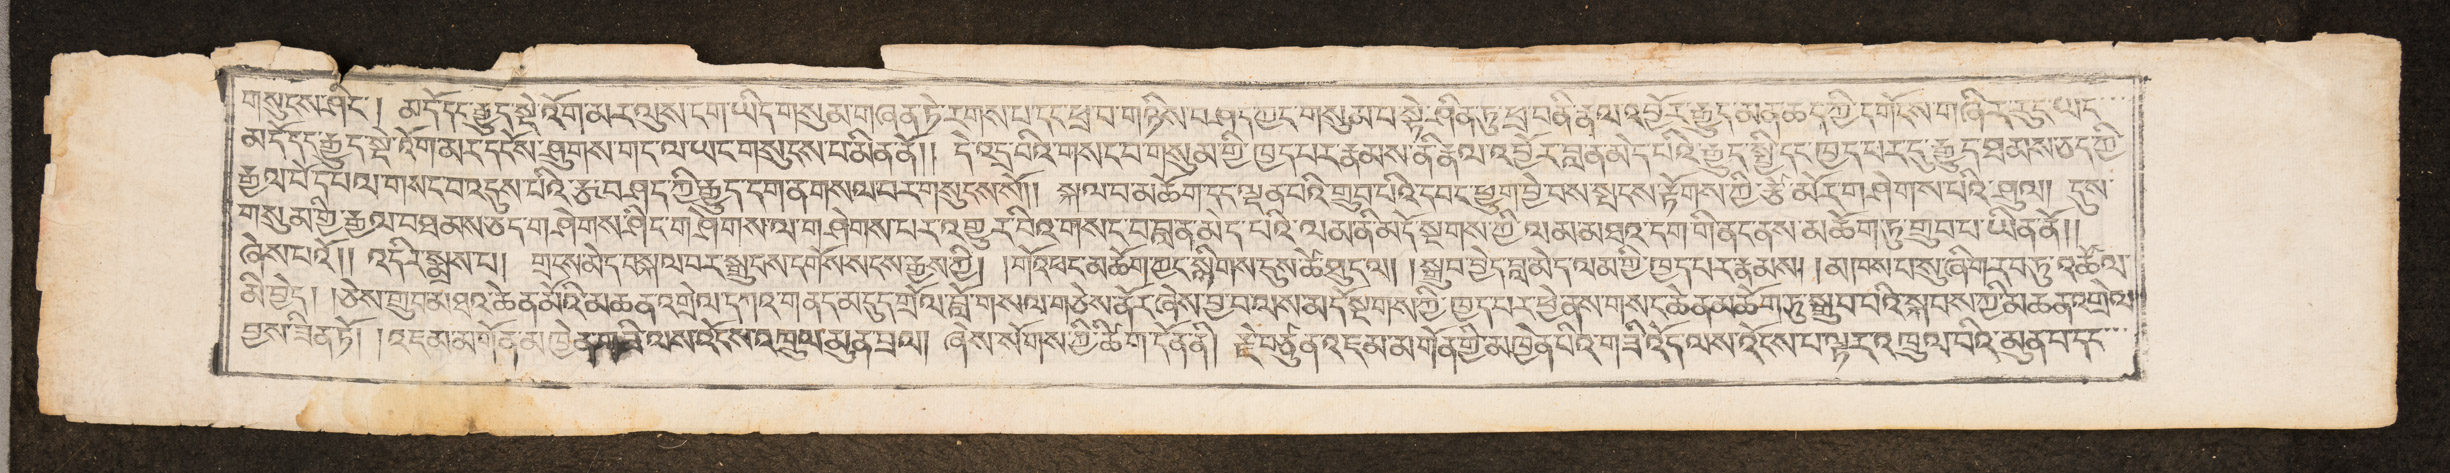གསུངས་ཤིང་། མདོ་དང་རྒྱུད་སྡེ་འོག་མར་ལུས་ངག་ཡིད་གསུམ་གཞན་ཏེ་རགས་པ་དང་ཕྲ་བ་གཉིས་བཤད་ཀྱང་གསུམ་པ་སྟེ་ཤིན་ཏུ་ཕྲ་བ་ནི་རྣལ་འབྱོར་རྒྱུད་མན་ཆད་ཀྱི་དགོངས་གཞིར་རུང་ཡང་
མདོ་དང་རྒྱུད་སྡེ་འོག་མར་དངོས་ཤུགས་གང་ལ་ཡང་གསུངས་པ་མིན་ནོ།། དེ་འདྲ་བའི་གསང་བ་གསུམ་གྱི་ཁྱད་པར་རྣམས་ནི་རྣལ་འབྱོར་བླ་ན་མེད་པའི་རྒྱུད་སྤྱི་དང་ཁྱད་པར་དུ་རྒྱུད་ཐམས་ཅད་ཀྱི་
རྒྱལ་པོ་དཔལ་གསང་བ་འདུས་པའི་རྩ་བཤད་ཀྱི་རྒྱུད་དག་ན་གསལ་བར་གསུངས་སོ།། སྐལ་བ་མཆོག་དང་ལྡན་པའི་གྲུབ་པའི་དབང་ཕྱུག་བྱེ་བས་སྤངས་རྟོགས་ཀྱི་རྩེ་མོར་གཤེགས་པའི་ཤུལ། དུས་
གསུམ་གྱི་རྒྱལ་བ་ཐམས་ཅད་གཤེགས་ཤིང་གཤེགས་ལ་གཤེགས་པར་འགྱུར་བའི་གསང་བ་བླ་ན་མེད་པའི་ལམ་ནི་མདོ་སྔགས་ཀྱི་ལམ་མཐའ་དག་གི་ནང་ནས་མཆོག་ཏུ་གྲུབ་པ་ཡིན་ནོ།།
ཞེས་པའོ། །འདིར་སྨྲས་པ། གྲངས་མེད་བསྐལ་པར་སྒྲུབས་དགོས་སངས་རྒྱས་ཀྱི། །གོ་འཕང་མཆོག་ཀྱང་སྙིགས་དུས་ཚེ་ཐུང་ལ། །སྒྲུབ་བྱེད་བླ་མེད་ལམ་གྱི་ཁྱད་པར་རྣམས། །མཁས་པ་སུ་ཞིག་རབ་ཏུ་འཚོལ་
མི་བྱེད། །ཅེས་གྲུབ་མཐའ་ཆེན་མོའི་མཆན་འགྲེལ་དཀའ་གནད་མདུད་གྲོལ་བློ་གསལ་གཅེས་ནོར་ཞེས་བྱ་བ་ལས་མདོ་སྔགས་ཀྱི་ཁྱད་པར་ཕྱེ་ནས་གསང་ཆེན་མཆོག་ཏུ་སྒྲུབ་པའི་སྐབས་ཀྱི་མཆན་འགྲེལ་
བྱས་ཟིན་ཏོ། །འཇམ་མགོན་མཁྱེན་གཟི་ལས་འོངས་འཁྲུལ་མུན་བྲལ། ཞེས་སོགས་ཀྱི་ཚིག་དོན་ནི། རྗེ་བཙུན་འཇམ་མགོན་གྱི་མཁྱེན་པའི་གཟི་འོད་ལས་འོངས་པ་ལྟར་འཁྲུལ་པའི་མུན་པ་དང་